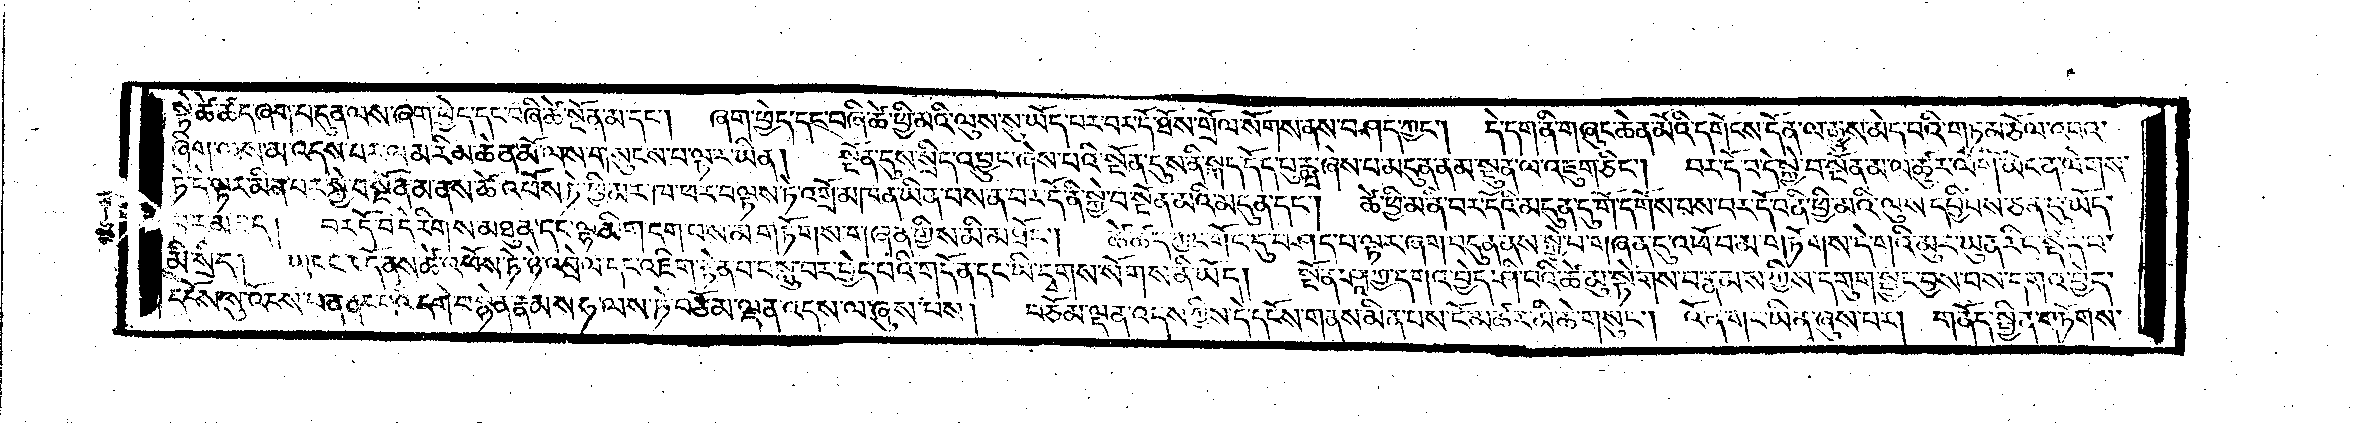སྟེ་ཚེ་ཚད་ཞག་བདུན་ལས་ཞག་ཕྱེད་དང་བཞི་ཚེ་སྔོན་མ་དང་། ཞག་ཕྱེད་དང་བཞི་ཚེ་ཕྱི་མའི་ལུས་སུ་ཡོད་པར་བར་དོ་ཐོས་གྲོལ་སོགས་ནས་བཤད་ཀྱང་། དེ་དག་ནི་གཞུང་ཆེན་མོའི་དགོངས་དོན་ལ་རྒྱུས་མེད་པའི་གཏམ་ཅོལ་འབའ་
ཞིག་ལས་མ་འདས་པར་ལམ་རིམ་ཆེ་ན་མོ་ལས་གསུངས་བ་ལྟར་ཡིན། སྔོན་དུས་སྲིད་འབྱུང་ཞེས་པའི་སྔོན་དུས་ནི་སྐད་དོད་པུརྭ་ཞེས་པ་མདུན་ནམ་སྡུན་ལ་འཇུག་ཅིང་། བར་དོ་བ་དེ་སྐྱེ་བ་སྔོན་མ་ལ་ཚུར་ལོག་ཡོང་ན་ལེགས་
ཏེ་དེ་ལྟར་མིན་པར་སྐྱེ་བ་སྔོན་མ་ནས་ཚེ་འཕོས་ཏེ་ཕྱི་མར་ཁ་ཕར་བལྟས་ཏེ་འགྲོ་མཁན་ཡིན་པས་ན་བར་དོ་ནི་སྐྱེ་བ་སྔོན་མའི་མདུན་དང་། ཚེ་ཕྱི་མ་ནི་བར་དོའི་མདུན་དུ་གོ་དགོས་པས་བར་དོ་བ་ནི་ཕྱི་མའི་ལུས་དབྱིབས་ཅན་དུ་ཡོད་
པར་མ་ཟད། བར་དོ་བ་དེ་རིགས་མཐུན་དང་ལྷ་མིག་དག་བསམ་གཏོགས་གཞན་གྱིས་མི་མཐོང་། ཚེ་ཚད་ཀྱང་གོང་དུ་བཤད་པ་ལྟར་ཞག་བདུན་ནས་སྐྱེ་བ་གཞན་དུ་འཕོ་བ་མ་གཏོགས་དེ་གའི་མུར་ཡུན་རིང་སྡོད་པ་
མི་སྲིད། ཡན་བར་དོ་ནས་ཚེ་འཕོས་ཏེ་ཉེ་འབྲེལ་དང་འཇིག་རྟེན་པ་བསླུ་བར་བྱེད་པའི་གདོན་དང་ཡི་དྭགས་སོགས་ནི་ཡོད། སྔོན་ཤཱ་ཀྱ་དགའ་བྱེད་ཤི་བའི་ཚེ་མུ་སྟེགས་པ་རྣམས་ཀྱིས་དགུག་སྦྱང་བྱས་པས་དགའ་བྱེད་
དངོས་སུ་འོངས་པ་ན་ནང་བའི་དགེ་བསྙེན་རྣམས་ཧ་ལས་ཏེ་བཅོམ་ལྡན་འདས་ལ་ཞུས་པས། བཅོམ་ལྡན་འདས་ཀྱིས་དེ་དངོས་གནས་མིན་པས་ངོ་མཚར་མི་ཆེ་གསུང་། འོ་ན་གང་ཡིན་ཞུས་པར། གནོད་སྦྱིན་གཏོགས་